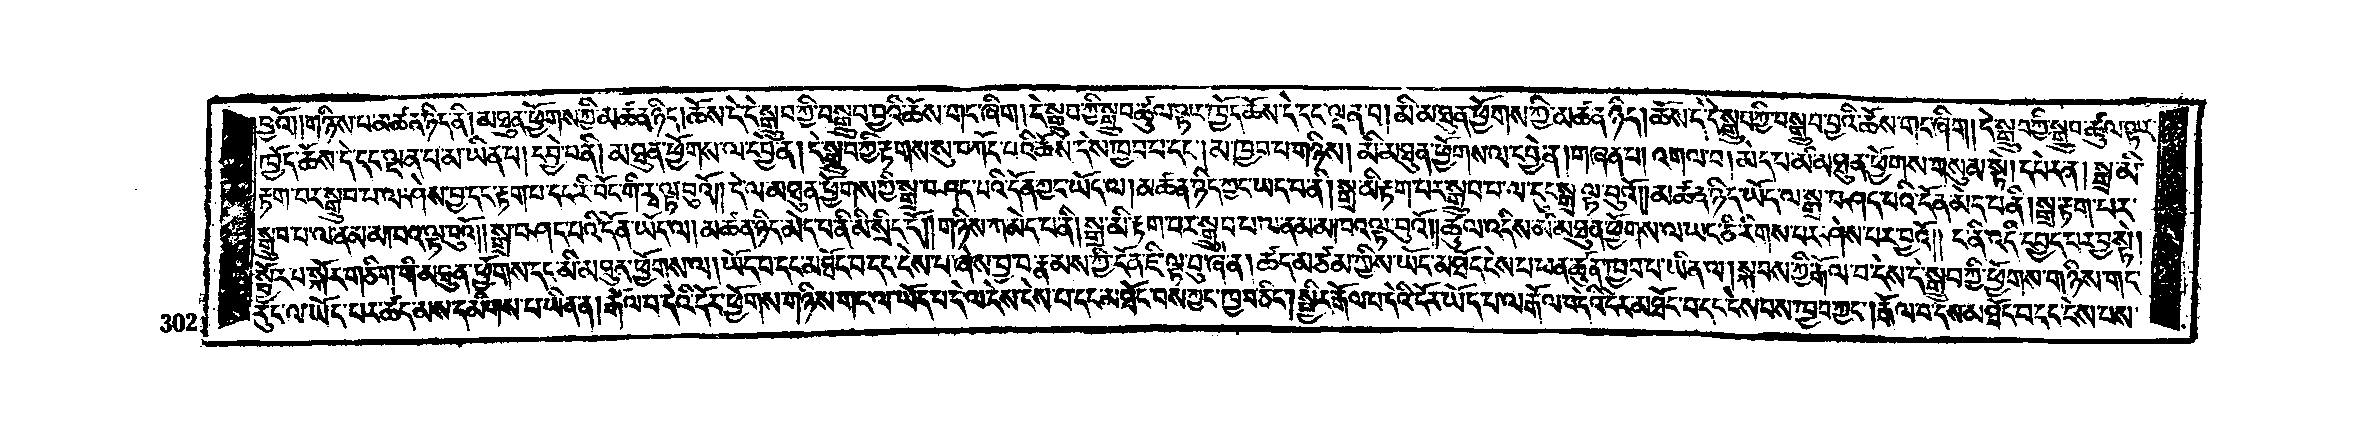བྱའོ། །གཉིས་པ་མཚན་ཉིད་ནི། མཐུན་ཕྱོགས་ཀྱི་མཚན་ཉིད། ཆོས་དེ་དེ་སྒྲུབ་ཀྱི་བསྒྲུབ་བྱའི་ཆོས་གང་ཞིག །དེ་སྒྲུབ་ཀྱི་སྒྲུབ་ཚུལ་ལྟར་ཁྱོད་ཆོས་དེ་དང་ལྡན་པ། མི་མཐུན་ཕྱོགས་ཀྱི་མཚན་ཉིད། ཆོས་དེ་དེ་སྒྲུབ་ཀྱི་བསྒྲུབ་བྱའི་ཆོས་གང་ཞིག །དེ་སྒྲུབ་ཀྱི་སྒྲུབ་ཚུལ་ལྟར་
ཁྱོད་ཆོས་དེ་དང་ལྡན་པ་མ་ཡིན་པ། དབྱེ་བ་ནི། མཐུན་ཕྱོགས་ལ་དབྱེ་ན། དེ་སྒྲུབ་ཀྱི་རྟགས་སུ་བཀོད་པའི་ཆོས་དེས་ཁྱབ་པ་དང་། མ་ཁྱབ་པ་གཉིས། མི་མཐུན་ཕྱོགས་ལ་དབྱེ་ན། གཞན་པ། འགལ་བ། མེད་པ་མི་མཐུན་ཕྱོགས་གསུམ་སྟེ། དཔེར་ན། སྒྲ་མི་
རྟག་པར་སྒྲུབ་པ་ལ་ཤེས་བྱ་དང་རྟག་པ་དང་རི་བོང་གི་རྭ་ལྟ་བུའོ། །དེ་ལ་མཐུན་ཕྱོགས་ཀྱི་སྒྲ་བཤད་པའི་དོན་ཀྱང་ཡོད་ལ། མཚན་ཉིད་ཡང་ཡོད་པ་ནི། སྒྲ་མི་རྟག་པར་སྒྲུབ་པ་ལ་དུང་སྒྲ་ལྟ་བུའོ། །མཚན་ཉིད་ཡོད་ལ་སྒྲ་བཤད་པའི་དོན་མེད་ལ་ནི། སྒྲ་རྟག་པར་
སྒྲུབ་པ་ལ་ནམ་མཁའ་ལྟ་བུའོ། །སྒྲ་བཤད་པའི་དོན་ཡོད་ལ། མཚན་ཉིད་མེད་པ་ནི་མི་སྲིད་དོ། །གཉིས་ཀ་མེད་པ་ནི། སྒྲ་མི་རྟག་པར་སྒྲུབ་པ་ལ་ནམ་མཁའ་ལྟ་བུའོ། །ཚུལ་འདིས་མི་མཐུན་ཕྱོགས་ལ་ཡང་ཅི་རིགས་པར་ཤེས་པར་བྱའོ། །ད་ནི་འདི་དཔྱད་པར་བྱ་སྟེ།
སྦྱོར་བ་སྐོར་གཅིག་གི་མཐུན་ཕྱོགས་དང་མི་མཐུན་ཕྱོགས་ལ། ཡོད་པ་དང་མཐོང་བ་དང་ངེས་པ་ཞེས་བྱ་བ་རྣམས་ཀྱི་དོན་ཇི་ལྟ་བུ་ཞེ་ན། ཚད་མ་ཙམ་གྱིས་ཡོད་མཐོང་ངེས་པ་ཕན་ཚུན་ཁྱབ་པ་ཡིན་ལ། སྐབས་ཀྱི་རྒོལ་བ་དེས་དེ་སྒྲུབ་ཀྱི་ཕྱོགས་གཉིས་གང་
རུང་ལ་ཡོད་པར་ཚད་མས་དམིགས་པ་ཡིན་ན། རྒོལ་བ་དེའི་དོར་ཕྱོགས་གཉིས་གང་ལ་ཡོད་པ་དེ་ལ་དེས་ངེས་པ་དང་མཐོང་བས་ཀྱང་ཁྱབ་ཅིང་། སྤྱིར་རྒོལ་བ་དེའི་ངོར་ཡོད་པ་ལ་རྒོལ་བ་དེའི་ངོར་མཐོང་བ་དང་ངེས་པས་ཁྱབ་ཀྱང་། རྒོལ་བ་དེས་མཐོང་བ་དང་ངེས་པས་